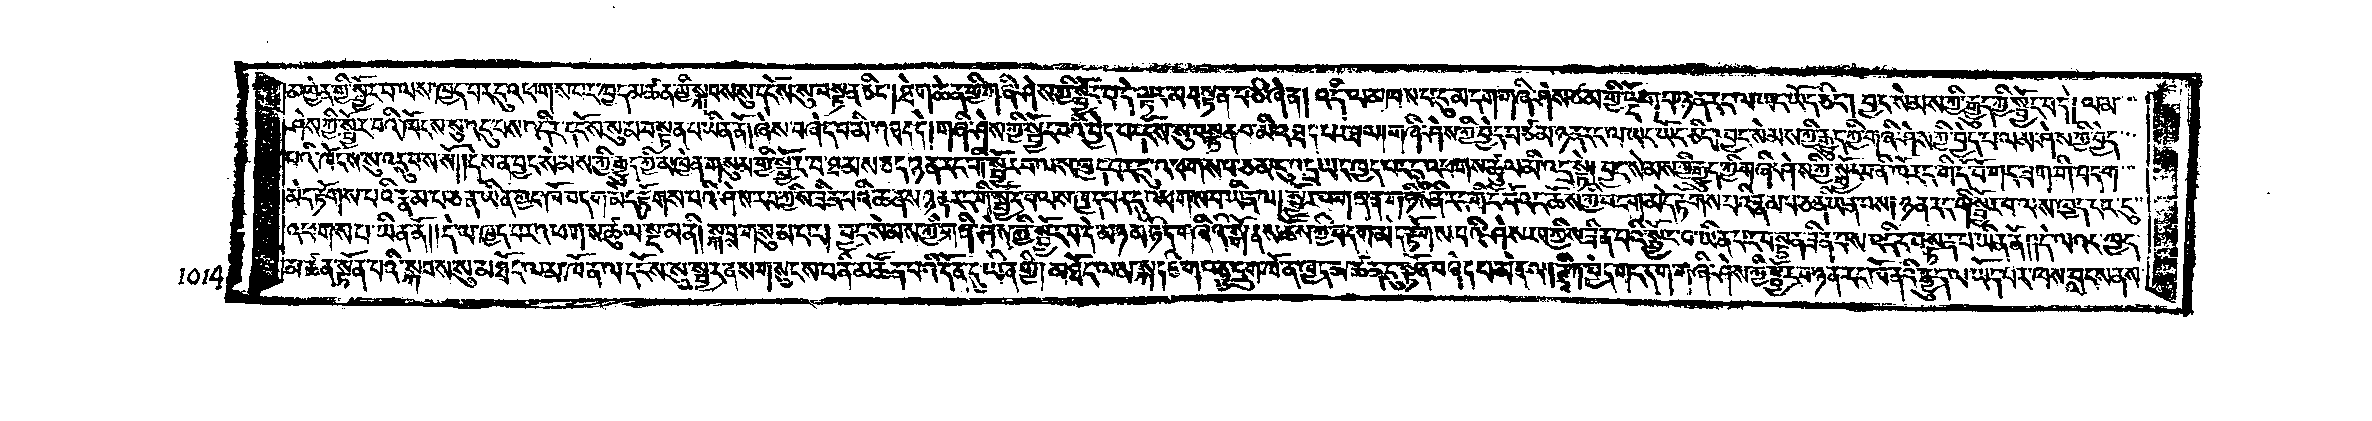མཁྱེན་གྱི་སྦྱོར་བ་ལས་ཁྱད་པར་དུ་འཕགས་པར་ཁྱད་མཚན་གྱི་སྐབས་སུ་དངོས་སུ་བསྟན་ཅིང་། ཐེག་ཆེན་གྱི་གཞི་ཤེས་ཀྱི་སྦྱོར་བ་དེ་ལྟར་མ་བསྟན་པ་ཅི་ཞེ་ན། འདི་ལ་མཁས་པ་དུ་མ་དག་གཞི་ཤེས་ཙམ་གྱི་ལྡོག་པ་ཉན་རང་ལ་ཡང་ཡོད་ཅིང་། བྱང་སེམས་ཀྱི་རྒྱུད་ཀྱི་སྦྱོར་བ་དེ། ལམ་
ཤེས་ཀྱི་སྦྱོར་བའི་ཁོངས་སུ་འདུ་བས་འདིར་དངོས་སུ་མ་བསྟན་པ་ཡིན་ནོ། ཞེས་བཞེད་པ་མི་འཐད་དེ། གཞི་ཤེས་ཀྱི་སྦྱོར་བའི་བྱེད་པ་དངོས་སུ་བསྟན་པ་མི་འཐད་པར་ཐལ། གཞི་ཤེས་ཀྱི་བྱེད་པ་ཙམ་ཉན་རང་ལ་ཡང་ཡོད་ཅིང་། བྱང་སེམས་ཀྱི་རྒྱུད་ཀྱི་གཞི་ཤེས་ཀྱི་བྱེད་པ་ལམ་ཤེས་ཀྱི་བྱེད་
པའི་ཁོངས་སུ་འདུ་བས་སོ། །དེས་ན་བྱང་སེམས་ཀྱི་རྒྱུད་ཀྱི་མཁྱེན་གསུམ་གྱི་སྦྱོར་བ་ཐམས་ཅད་ཉན་རང་གི་སྦྱོར་བ་ལས་ཁྱད་པར་དུ་འཕགས་པ་ཅན་དུ་འདྲ་ཡང་ཁྱད་པར་དུ་འཕགས་ཚུལ་མི་འདྲ་སྟེ། བྱང་སེམས་ཀྱི་རྒྱུད་ཀྱི་གཞི་ཤེས་ཀྱི་སྦྱོར་བ་ནི་ཁོ་རང་གི་ངོ་བོ་གང་ཟག་གི་བདག་
མེད་རྟོགས་པའི་རྣམ་པ་ཅན་ཡིན་ཀྱང་ཁོ་བདག་མེད་རྟོགས་པའི་ཤེས་རབ་ཀྱིས་ཟིན་པའི་ཆ་ནས་ཉན་རང་གི་སྦྱོར་བ་ལས་ཁྱད་པར་དུ་འཕགས་པ་ཡིན་ལ། སྦྱོར་བ་གཞན་གཉིས་ནི་རང་གི་ངོ་བོའང་ཆོས་ཀྱི་བདག་མེད་རྟོགས་པའི་རྣམ་པ་ཅན་ཡིན་པས། ཉན་རང་གི་སྦྱོར་བ་ལས་ཁྱད་པར་དུ་
འཕགས་པ་ཡིན་ནོ། །དེ་ལ་ཁྱད་པར་འཕགས་ཚུལ་སྔ་མ་ནི། སྐབས་གསུམ་པར། བྱང་སེམས་ཀྱི་གཞི་ཤེས་ཀྱི་སྦྱོར་བ་དེ་མཉམ་ཉིད་གཞིའི་སྒོ་ནས་ཆོས་ཀྱི་བདག་མེད་རྟོགས་པའི་ཤེས་རབ་ཀྱིས་ཟིན་པའི་སྦྱོར་བ་ཡིན་པར་བསྟན་ཟིན་པས་འདིར་བསྟན་པ་ཡིན་ནོ། །དེ་ལའང་ཁྱད་
མཚན་སྟོན་པའི་སྐབས་སུ་མཐོང་ལམ་ཁོ་ན་ལ་དངོས་སུ་སྦྱར་ནས་གསུངས་པ་ནི་མཚོན་པའི་དོན་དུ་ཡིན་གྱི། མཐོང་ལམ་སྐད་ཅིག་བཅུ་དྲུག་ཁོ་ན་ཁྱད་མཚན་དུ་སྟོན་བཞེད་པ་མིན་ལ། ཊཱིཀ་བྱེད་གང་དག་གཞི་ཤེས་ཀྱི་སྦྱོར་བ་ཉན་རང་ཁོ་ནའི་རྒྱུད་ལ་ཡོད་པར་ཁས་བླངས་ནས་